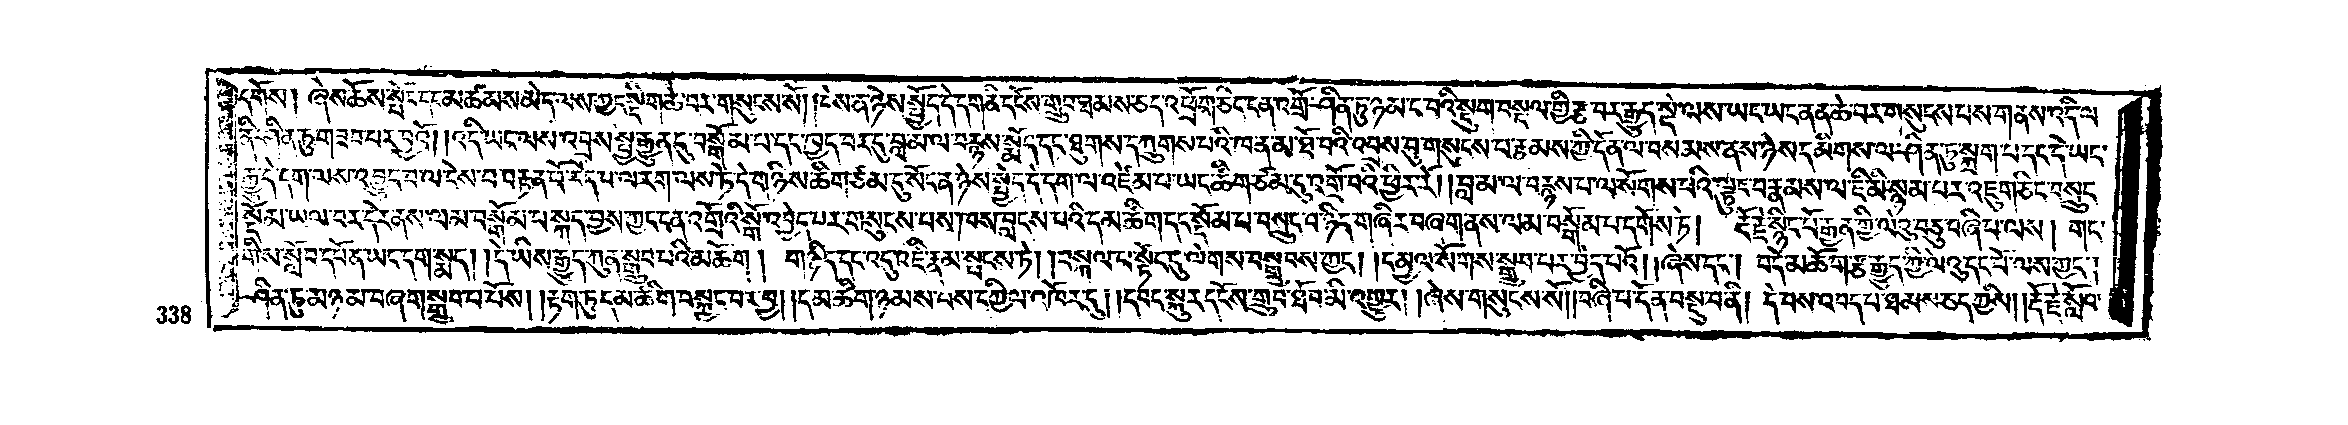དགོས། ཞེས་ཆོས་སྤོང་དང་མཚམས་མེད་ལས་ཀྱང་སྡིག་ཆེ་བར་གསུངས་སོ། །ངེས་ན་ཉེས་སྤྱོད་དེ་དག་ནི་དངོས་གྲུབ་ཐམས་ཅད་འཕྲོག་ཅིང་ངན་འགྲོ་ཤིན་ཏུ་ཉམ་ང་བའི་སྡུག་བསྔལ་གྱི་རྩ་བར་རྒྱུད་སྡེ་ལས་ཡང་ཡང་ནན་ཆེ་བར་གསུངས་པས་གནས་འདི་ལ་
ནི་ཤིན་ཏུ་གཟབ་པར་བྱའོ། །འདི་ཡང་ལས་འབྲས་སྤྱི་རྒྱུན་དུ་བསྒོམ་པ་དང་ཁྱད་པར་དུ་བླ་མ་ལ་བརྙས་སྨོད་དང་ཐུགས་དཀྲུགས་པའི་ཁ་ན་མ་ཐོ་བའི་འབྲས་བུ་གསུངས་པ་རྣམས་ཀྱི་དོན་ལ་བསམས་ནས་ཉེས་དམིགས་ལ་ཤིན་ཏུ་སྐྲག་པ་དང་དེ་ཡང་
རྒྱུ་དེ་དག་ལས་འབྱུང་བ་ལ་ངེས་པ་བརྟན་པོ་རེད་པ་ལ་རག་ལས་ཏེ་དེ་གཉིས་ཚིག་ཙམ་དུ་སོང་ན་ཉེས་སྤྱོད་དེ་དག་ལ་འཛེམ་པ་ཡང་ཚིག་ཙམ་དུ་འགྲོ་བའི་ཕྱིར་རོ། །བླ་མ་ལ་བརྙས་པ་ལ་སོགས་པའི་ལྟུང་བ་རྣམས་ལ་ཇི་མི་སྙམ་པར་འཇུག་ཅིང་བསྲུང་
སྡོམ་ཡལ་བར་དེར་ནས་ལམ་བསྒོམ་པ་སྐད་བྱས་ཀྱང་ངན་འགྲོའི་སྒོ་འབྱེད་པར་གསུངས་པས་ཁས་བླངས་པའི་དམ་ཚིག་དང་སྡོམ་པ་བསྲུང་བ་ཉིད་གཞིར་བཞག་ནས་ལམ་བསྒོམ་པ་དགོས་ཏེ། རྡོ་རྗེ་སྙིང་པོ་རྒྱན་གྱི་ལེའུ་བཅུ་བཞི་པ་ལས། གང་
གིས་སློབ་དཔོན་ཡང་དག་སྨད། །དེ་ཡིས་རྒྱུད་ཀུན་སྒྲུབ་པའི་མཆོག །གཉིད་དང་འདུ་འཛི་རྣམ་སྤངས་ཏེ། །བསྐལ་པ་སྟོང་དུ་ལེགས་བསྒྲུབས་ཀྱང་། །དམྱལ་སོགས་སྒྲུབ་པར་བྱེད་པའོ། །ཞེས་དང་། བདེ་མཆོག་རྩ་རྒྱུད་ཀྱི་ལེའུ་དང་པོ་ལས་ཀྱང་།
ཤིན་ཏུ་མཉམ་བཞག་སྒྲུབ་པ་པོས། །རྟག་ཏུ་དམ་ཚིག་བསྐྱང་བར་བྱ། །དམ་ཚིག་ཉམས་པས་དཀྱིལ་འཁོར་དུ། །དབང་སྐུར་དངོས་གྲུབ་ཐོབ་མི་འགྱུར། །ཞེས་གསུངས་སོ། །བཞི་པ་དོན་བསྡུ་བ་ནི། དེ་བས་འབད་པ་ཐམས་ཅད་ཀྱིས། །རྡོ་རྗེ་སློབ་